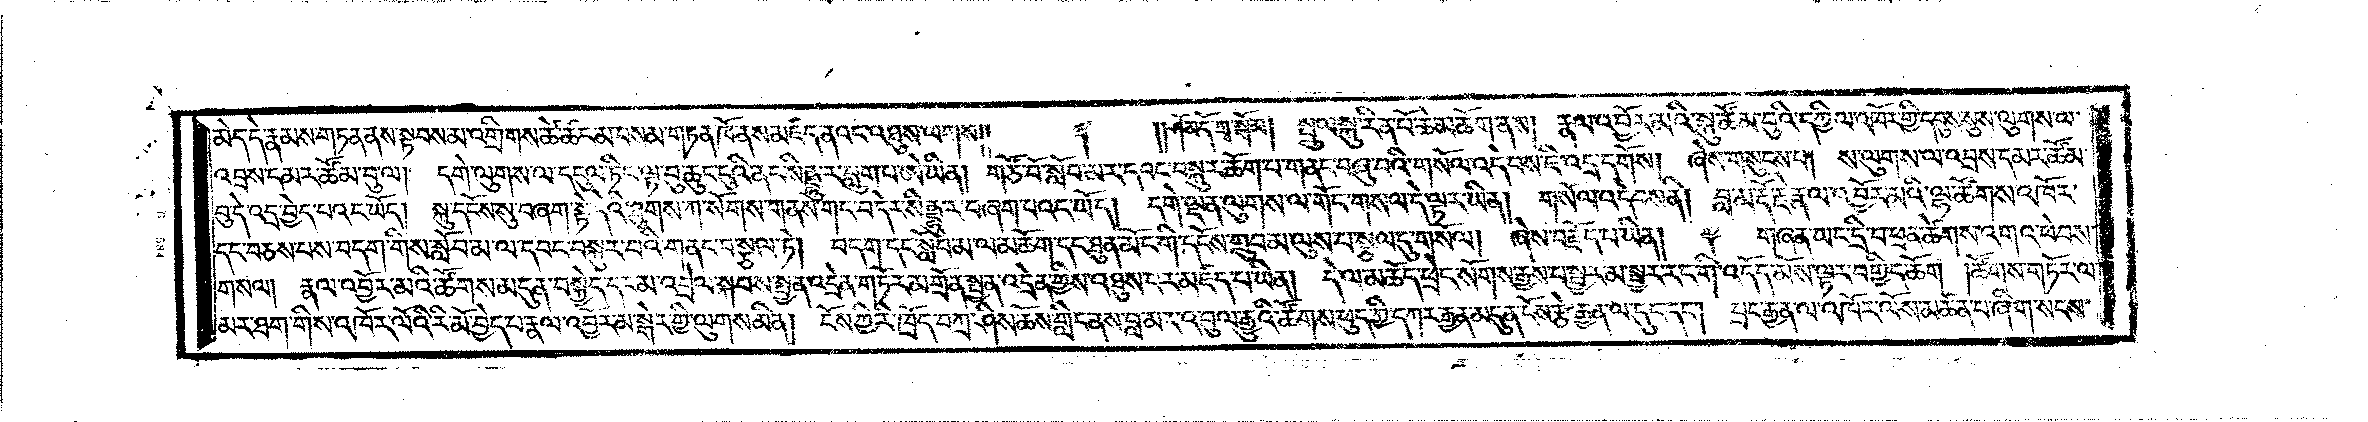མེད་དེ་རྣམས་གཏན་ནས་སྟབས་མ་འགྲིགས་ཚེ་ཚང་མ་བསམ་གཏན་ཁོ་ནས་མཛད་ནའང་འཐུས་ལགས།། ༈ །།ཤོ་མདོ་གྲྭ་སྒོམ།  སྤྲུལ་སྐུ་རིན་པོ་ཆེ་མཆོག་ནས། རྣལ་འབྱོར་མའི་སྐུ་ཚོམ་བུའི་དཀྱིལ་འཁོར་གྱི་དབུས་སུས་ལུགས་ལ་
འབྲས་དམར་ཚོམ་བུ་ལ། དགེ་ལུགས་ལ་དངུལ་ཏིང་ལྟ་བུ་ཆུང་ངུའི་ནང་སིནྡྷུ་ར་བླུགས་པ་ཨེ་ཡིན། གཙོ་བོ་སློབ་མར་དབང་བསྐུར་ཆོག་པ་གནང་བཞུ་བའི་གསོལ་འདེབས་ཇི་འདྲ་དགོས། ཞེས་གསུངས་པ། ས་ལུགས་ལ་འབྲས་དམར་ཚོམ་
བུ་དེ་འདྲ་བྱེད་པའང་ཡོད། སྐུ་དངོས་སུ་བཞག་སྟེ་དེའི་ཐུགས་ཀ་སོགས་གནས་གང་བདེར་སིནྡྷུ་ར་བཞག་པའང་ཡོད། དགེ་ལྡན་ལུགས་ལ་གོང་གསལ་དེ་ལྟར་ཡིན། གསོལ་འདེབས་ནི། བླ་མ་རྡོ་རྗེ་རྣལ་འབྱོར་མའི་ལྷ་ཚོགས་འཁོར་
དང་བཅས་པས་བདག་གིས་སློབ་མ་ལ་དབང་བསྐུར་བའི་གནང་བ་སྩལ་ཏེ། བདག་དང་སློབ་མ་ལ་མཆོག་དང་ཐུན་མོང་གི་དངོས་གྲུབ་མ་ལུས་པ་སྩལ་དུ་གསོལ། ཞེས་བརྗོད་པ་ཡིན། ༈ གཞན་ཡང་དྲི་པ་ཕྲན་ཚེགས་འགའ་ཕེབས་
གསལ། རྣལ་འབྱོར་མའི་ཚོགས་མདུན་བསྐྱེད་དང་མ་འབྲེལ་སྐབས་སྤྱན་འདྲེན་གཏོར་མགྲོན་སྤྱན་འདྲེན་གྱིས་འཐུས་པར་མཛད་པ་ཡིན། དེ་ལ་མཆོད་ཕྲེང་སོགས་རྒྱས་པ་སྦྱར་མ་སྦྱར་རང་གི་འདོད་མོས་ལྟར་བགྱིད་ཆོག །ཚོགས་གཏོར་ལ་
མར་ཐག་གིས་འཁོར་ལོའི་རི་མོ་བྱེད་པ་རྣལ་འབྱོར་མ་སྒེར་གྱི་ལུགས་མིན། ངོས་ཀྱི་རི་ཁྲོད་བཀྲ་ཤིས་ཆོས་གླིང་ནས་བླ་མར་འབུལ་རྒྱུའི་ཚོགས་ཕུད་ཀྱི་དཀར་རྒྱན་མདུན་ངོས་རྩེ་རྒྱན་ལ་དུང་དང་། བྲང་རྒྱན་ལ་འཁོར་ལོས་མཚན་པ་ཞིག་སངས་